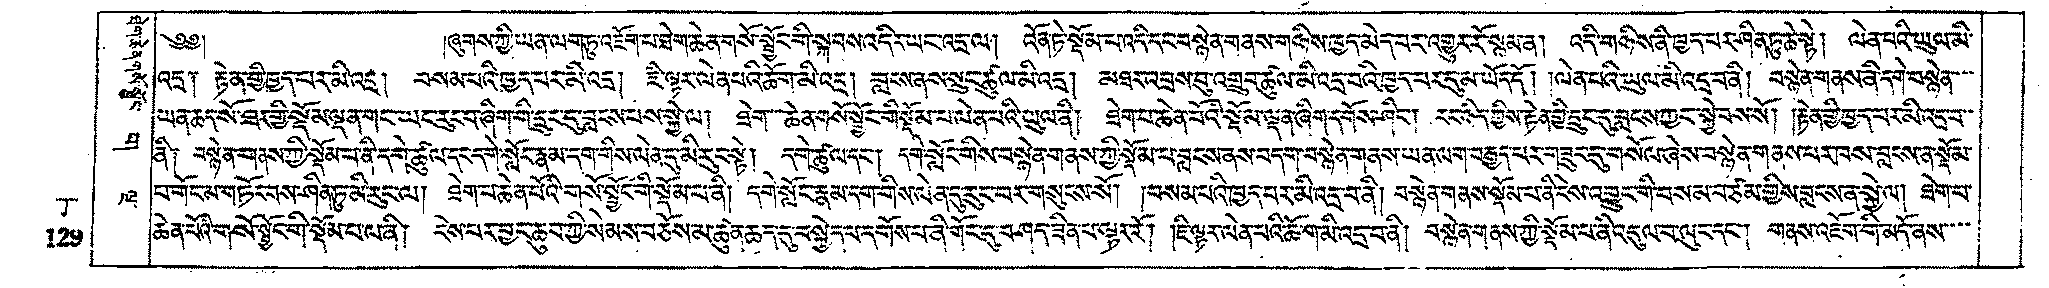༄༅། །ཞུགས་ཀྱི་ཡན་ལག་ཏུ་འཇོག་པ་ཐེག་ཆེན་གསོ་སྦྱོང་གི་སྐབས་འདིར་ཡང་འདྲ་ལ། འོན་ཏེ་སྡོམ་པ་འདི་དང་བསྙེན་གནས་གཉིས་ཁྱད་མེད་པར་འགྱུར་རོ་སྙམ་ན། འདི་གཉིས་ནི་ཁྱད་པར་ཤིན་ཏུ་ཆེ་སྟེ། ལེན་པའི་ཡུལ་མི་
འདྲ༑ རྟེན་གྱི་ཁྱད་པར་མི་འདྲ། བསམ་པའི་ཁྱད་པར་མི་འདྲ། ཇི་ལྟར་ལེན་པའི་ཆོ་ག་མི་འདྲ། བླངས་ནས་སྲུང་ཚུལ་མི་འདྲ། མཐར་འབྲས་བུ་འགྲུབ་ཚུལ་མི་འདྲ་བའི་ཁྱད་པར་དུ་མ་ཡོད་དོ། །ལེན་པའི་ཡུལ་མི་འདྲ་བ་ནི། བསྙེན་གནས་ནི་དགེ་བསྙེན་་་
ཡན་ཆད་སོ་ཐར་གྱི་སྡོམ་ལྡན་གང་ཡང་རུང་བ་ཞིག་གི་དྲུང་དུ་བླངས་པས་སྐྱེ་ལ། ཐེག་་་ཆེན་གསོ་སྦྱོང་གི་སྡོམ་པ་ལེན་པའི་ཡུལ་ནི། ཐེག་པ་ཆེན་པོའི་སྡོམ་ལྡན་ཞིག་དགོས་ཤིང་། རང་ཉིད་ཀྱིས་རྟེན་གྱི་དྲུང་དུ་བླངས་ཀྱང་སྐྱེ་བས་སོ། །རྟེན་གྱི་ཁྱད་པར་མི་འདྲ་བ་་་
ནི༑ བསྙེན་གནས་ཀྱི་སྡོམ་པ་ནི་དགེ་ཚུལ་དང་དགེ་སློང་རྣམ་དག་གིས་ལེན་དུ་མི་རུང་སྟེ། དགེ་ཚུལ་དང་། དགེ་སློང་གིས་བསྙེན་གནས་ཀྱི་སྡོམ་པ་བླངས་ནས་བདག་བསྙེན་གནས་ཡན་ལག་བརྒྱད་པར་གཟུང་དུ་གསོལ་ཞེས་བསྙེན་གནས་པར་ཁས་བླངས་ན་སྡོམ་
པ་གོང་མ་གཏོང་བས་ཤིན་ཏུ་མི་རུང་ལ། ཐེག་པ་ཆེན་པོའི་གསོ་སྦྱོང་གི་སྡོམ་པ་ནི། དགེ་སློང་རྣམ་དག་གིས་ལེན་དུ་རུང་བར་གསུངས་སོ། །བསམ་པའི་ཁྱད་པར་མི་འདྲ་བ་ནི། བསྙེན་གནས་སྡོམ་པ་ནི་ངེས་འབྱུང་གི་བསམ་པ་ཙམ་གྱིས་བླངས་ན་སྐྱེ་ལ། ཐེག་པ་
ཆེན་པོའི་གསོ་སྦྱོང་གི་སྡོམ་པ་ལ་ནི། ངེས་པར་བྱང་ཆུབ་ཀྱི་སེམས་བཅོས་མ་ཚུན་ཆད་དུ་བསྐྱེད་པ་དགོས་པ་ནི་གོང་དུ་བཤད་ཟིན་པ་ལྟར་རོ། །ཇི་ལྟར་ལེན་པའི་ཆོ་ག་མི་འདྲ་བ་ནི། བསྙེན་གནས་ཀྱི་སྡོམ་པ་ནི་འདུལ་བ་ལུང་དང་། གནས་འཇོག་གི་མདོ་ནས་་་